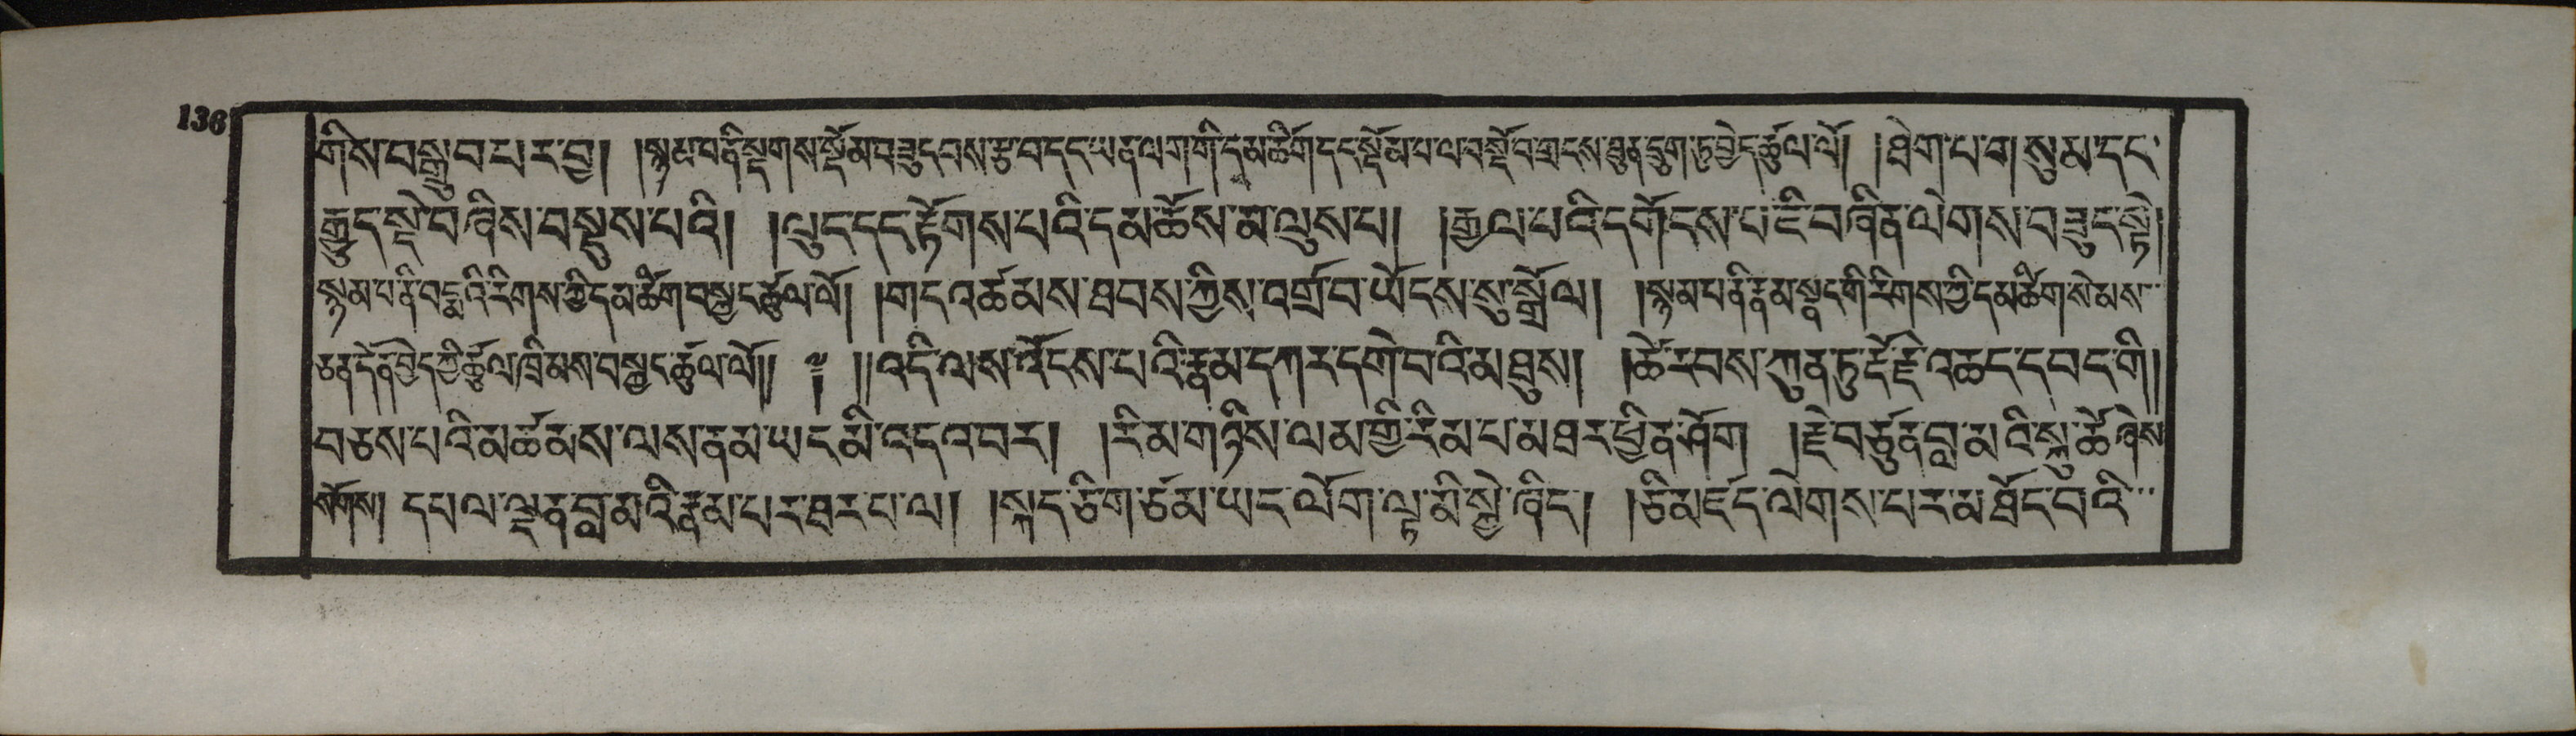གིས་བསྒྲུབ་པར་བྱ། ། སྙམ་པ་ནི་སྡགས་སྡོམ་བཟུང་བས་རྩ་བ་དང་ཡན་ལག་གི་དམ་ཚིག་དང་སྡོམ་པ་ལ་བསྔོ་བ་གྲངས་ཐུན་དྲུག་ཏུ་བྱེད་ཚུལ་ལོ། །ཐེག་པ་གསུམ་དང་
རྒྱུད་སྡེ་བཞིས་བསྡུས་པའི། །ལུང་དང་རྟོགས་པའི་དམ་ཆོས་མ་ལུས་པ། །རྒྱལ་པའི་དགོངས་པ་ཇི་བཞིན་ལེགས་བཟུང་སྟེ།
སྙམ་པ་ནི་པདམའི་རིགས་ཀྱི་དམ་ཚིག་བསྐྱང་ཚུལ་ལོ། །གང་འཚམས་ཐབས་ཀྱིས་འགྲོ་བ་ཡོངས་སུ་སྒྲོལ། །སྙམ་པ་ནི་རྣམ་སྣང་གི་རིགས་ཀྱི་དམ་ཚིག་སེམས་
ཅན་དོན་བྱེད་ཀྱི་ཚུལ་ཁྲིམས་བསྦྱང་ཚུལ་ལོ།། ༈།།འདི་ལས་འོངས་པའི་རྣམ་དཀར་དགེ་བའི་མཐུས། །ཚེ་རབས་ཀུན་ཏུ་རྡོ་རྗེ་འཆང་དབང་གི །
བཅས་པའི་མཚམས་ལས་ནམ་ཡང་མི་འདའ་བར། །རིམ་གཉིས་ལམ་གྱི་རིམ་པ་མཐར་ཕྱིན་ཤོག །རྗེ་བཙུན་བླ་མའི་སྐུ་ཚེ་ཞེས་
སོགས། དཔལ་ལྡན་བླ་མའི་རྣམ་པར་ཐར་པ་ལ། །སྐད་ཅིག་ཙམ་ཡང་ལོག་ལྟ་མི་སྐྱེ་ཞིང་། །ཅི་མཛད་ལེགས་པར་མཐོང་བའི་